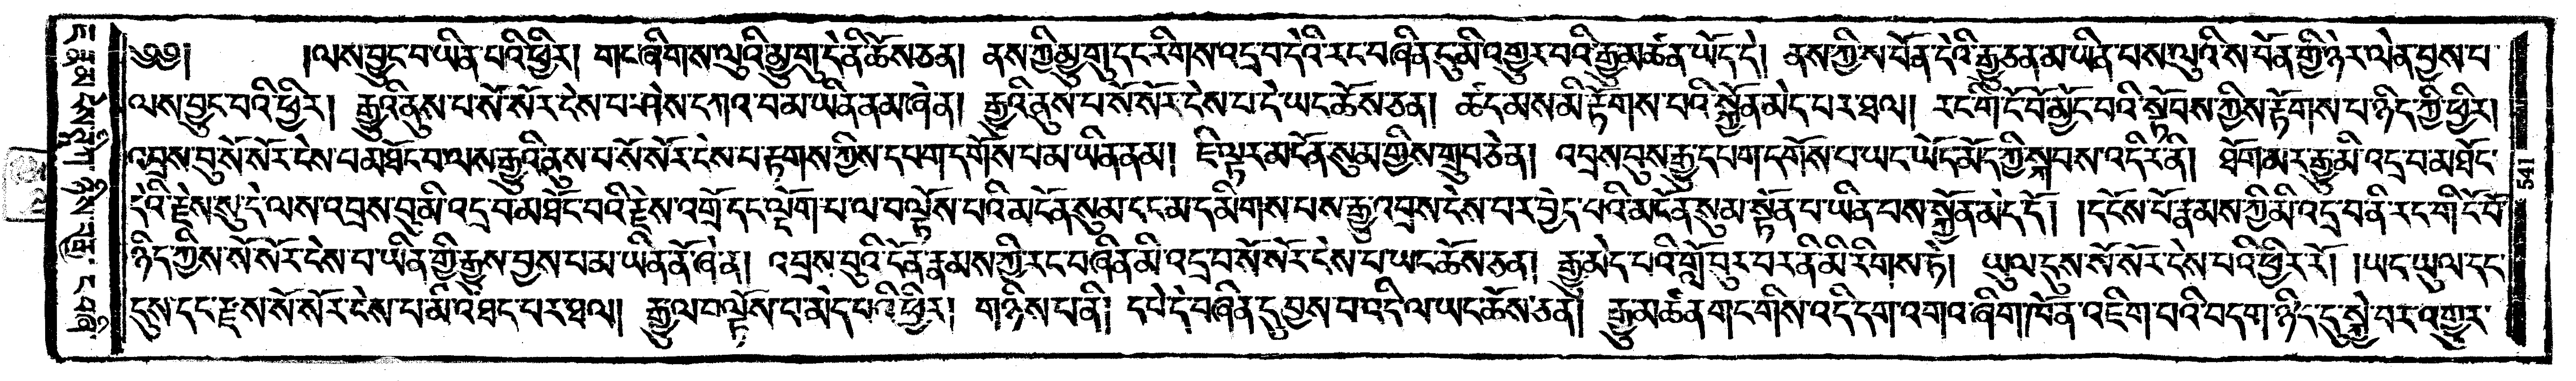༄༅། །ལས་བྱུང་བ་ཡིན་པའི་ཕྱིར། གང་ཞིག་ས་ལུའི་མྱུ་གུ་དེ་ནི་ཆོས་ཅན། ནས་ཀྱི་མྱུ་གུ་དང་རིགས་འདྲ་བ་དེའི་རང་བཞིན་དུ་མི་འགྱུར་བའི་རྒྱུ་མཚན་ཡོད་དེ། ནས་ཀྱི་ས་བོན་དེའི་རྒྱུ་ཅན་མ་ཡིན་པས་ལུའི་ས་བོན་གྱི་ཉེར་ལེན་བྱས་པ་
ལས་བྱུང་བའི་ཕྱིར། རྒྱུའི་ནུས་པ་སོ་སོར་ངེས་པ་ཤེས་དཀའ་བ་མ་ཡིན་ནམ་ཞེ་ན། རྒྱུའི་ནུས་པ་སོ་སོར་ངེས་པ་དེ་ཡང་ཆོས་ཅན། ཚད་མས་མི་རྟོགས་པའི་སྐྱོན་མེད་པར་ཐལ། རང་གི་ངོ་བོ་མྱོང་བའི་སྟོབས་ཀྱིས་རྟོགས་པ་ཉིད་ཀྱི་ཕྱིར།
འབྲས་བུ་སོ་སོར་ངེས་པ་མཐོང་བ་ལས་རྒྱུའི་ནུས་པ་སོ་སོར་ངེས་པ་རྟགས་ཀྱིས་དཔག་དགོས་པ་མ་ཡིན་ནམ། ཇི་ལྟར་མངོན་སུམ་གྱིས་གྲུབ་ཅེ་ན། འབྲས་བུས་རྒྱུ་དཔག་དགོས་པ་ཡང་ཡོད་མོད་ཀྱི་སྐབས་འདིར་ནི། ཐོག་མར་རྒྱུ་མི་འདྲ་བ་མཐོང་
དེའི་རྗེས་སུ་དེ་ལས་འབྲས་བུ་མི་འདྲ་བ་མཐོང་བའི་རྗེས་འགྲོ་དང་ལྡོག་པ་ལ་བལྟོས་པའི་མངོན་སུམ་དང་མ་དམིགས་པས་རྒྱུ་འབྲས་ངེས་པར་བྱེད་པའི་མངོན་སུམ་སྟོན་པ་ཡིན་པས་སྐྱོན་མེད་དོ། །དངོས་པོ་རྣམས་ཀྱི་མི་འདྲ་བ་ནི་རང་གི་ངོ་བོ་
ཉིད་ཀྱིས་སོ་སོར་ངེས་པ་ཡིན་གྱི་རྒྱུས་བྱས་པ་མ་ཡིན་ནོ་ཞེ་ན། འབྲས་བུའི་དོན་རྣམས་ཀྱི་རང་བཞིན་མི་འདྲ་བ་སོ་སོར་ངེས་པ་ཡང་ཆོས་ཅན། རྒྱུ་མེད་པའི་གློ་བུར་བར་ནི་མི་རིགས་ཏེ། ཡུལ་དུས་སོ་སོར་ངེས་པའི་ཕྱིར་རོ། །ཡང་ཡུལ་དང་
དུས་དང་རྫས་སོ་སོར་ངེས་པ་མི་འཐད་པར་ཐལ། རྒྱུ་ལ་བལྟོས་པ་མེད་པའི་ཕྱིར། གཉིས་པ་ནི། དཔེ་དེ་བཞིན་དུ་བྱས་པ་འདི་ལ་ཡང་ཆོས་ཅན། རྒྱུ་མཚན་གང་གིས་འདི་དག་འགའ་ཞིག་ཁོ་ན་འཇིག་པའི་བདག་ཉིད་དུ་སྐྱེ་བར་འགྱུར་